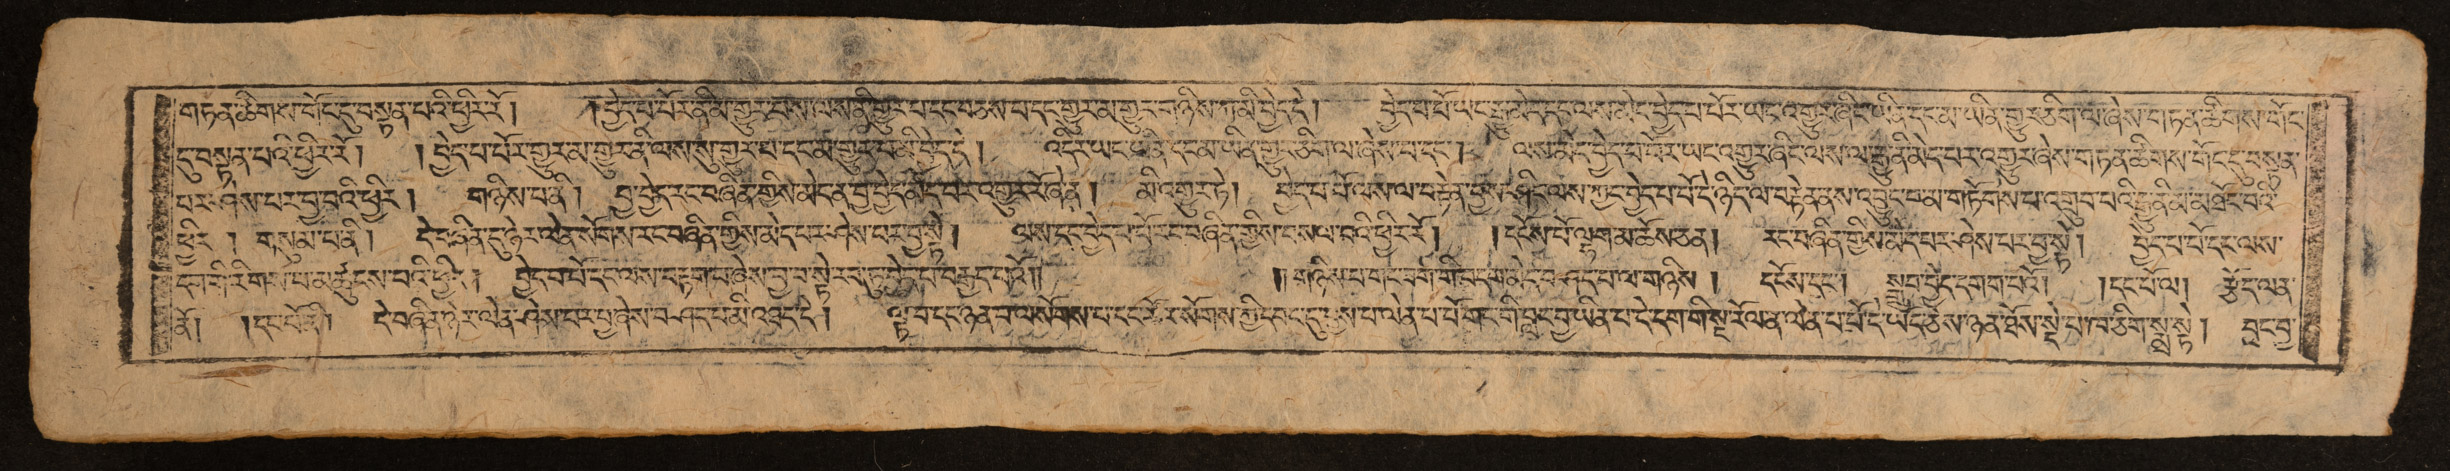གཏན་ཚིགས་གོང་དུ་བསྟན་པའི་ཕྱིར་རོ། །བྱེད་པ་པོར་ནི་མ་གྱུར་པས་ལས་ནི་མ་གྱུར་པ་དང་བཅས་པ་དང་གྱུར་མ་གྱུར་གཉིས་ཀ་མི་བྱེད་དེ། བྱེད་པ་པོ་ཡང་རྒྱུ་མེད་དང་ལས་མེད་བྱེད་པ་པོར་ཡང་འགྱུར་ཞིང་ཡིན་དང་མ་ཡིན་གྱུར་ཅིག་ལ་ཞེས་གཏན་ཚིགས་གོང་
དུ་བསྟན་པའི་ཕྱིར་རོ། །བྱེད་པ་པོར་གྱུར་མ་གྱུར་ནི་ལས་སུ་གྱུར་པ་དང་མ་གྱུར་པ་མི་བྱེད་དེ། འདིར་ཡང་ཡིན་དང་མ་ཡིན་གྱུར་ཅིག་ལ་ཞེས་པ་དང་། ལས་མེད་བྱེད་པ་པོར་ཡང་འགྱུར་ཞིང་ལས་ལ་རྒྱུ་ནི་མེད་པར་འགྱུར་ཞེས་གཏན་ཚིགས་གོང་དུ་བསྟན་
པར་ཤེས་པར་བྱ་བའི་ཕྱིར། གཉིས་པ་ནི། བྱ་བྱེད་རང་བཞིན་གྱིས་མེད་ན་བྱ་བྱེད་མེད་པར་འགྱུར་རོ་ཞེ་ན། མི་འགྱུར་ཏེ། བྱེད་པ་པོ་ལས་ལ་བརྟེན་བྱས་ཤིང་ལས་ཀྱང་བྱེད་པ་པོ་དེ་ཉིད་ལ་བརྟེན་ནས་འབྱུང་བ་མ་གཏོགས་པ་འགྲུབ་པའི་རྒྱུ་ནི་མ་མཐོང་བའི་
ཕྱིར། གསུམ་པ་ནི། དེ་བཞིན་དུ་ཉེར་ལེན་སོགས་རང་བཞིན་གྱིས་མེད་པར་ཤེས་པར་བྱ་སྟེ། ལས་དང་བྱེད་པ་པོ་རང་བཞིན་གྱིས་བསལ་བའི་ཕྱིར་རོ། །དངོས་པོ་ལྷག་མ་ཆོས་ཅན། རང་བཞིན་གྱིས་མེད་པར་ཤེས་པར་བྱ་སྟེ། བྱེད་པ་པོ་དང་ལས་
དག་གི་རིགས་པ་མཚུངས་པའི་ཕྱིར། བྱེད་པ་པོ་དང་ལས་བརྟག་བ་ཞེས་བྱ་བ་སྟེ་རབ་ཏུ་བྱེད་པ་བརྒྱད་པའོ།། །།གཉིས་པ་གང་ཟག་གི་བདག་མེད་བཤད་པ་ལ་གཉིས། དངོས་དང་། སྒྲུབ་བྱེད་དགག་པའོ། །དང་པོ་ལ། རྩོད་ལན་
ནོ། །དང་པོ་ནི། དེ་བཞིན་ཉེར་ལེན་ཤེས་པར་བྱ་ཞེས་བཤད་པ་མི་འཐད་དེ། ལྟ་བ་དང་ཉན་པ་ལ་སོགས་པ་དང་ཚོར་སོགས་ཀྱི་དབང་དུ་བྱས་པ་ལེན་པ་པོ་གང་གི་བླང་བྱ་ཡིན་པ་དེ་དག་གི་སྔ་རོལ་ན་ལེན་པ་པོ་དེ་ཡོད་ཅེས་ཉན་ཐོས་སྡེ་པ་ཁ་ཅིག་སྨྲ་སྟེ། བླང་བྱ་